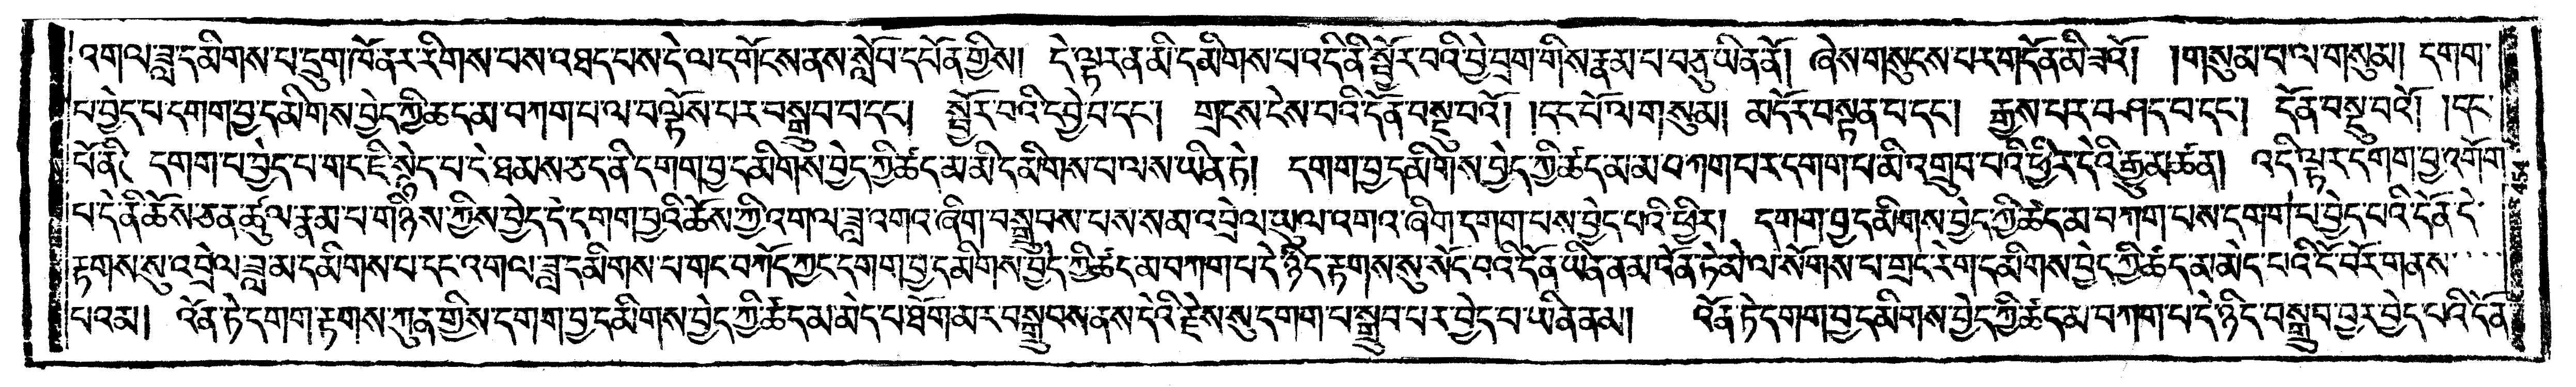འགལ་ཟླ་དམིགས་པ་དྲུག་ཁོ་ནར་རིགས་པས་འཐད་པས་དེ་ལ་དགོངས་ནས་སློབ་དཔོན་གྱིས། དེ་ལྟར་ན་མི་དམིགས་པ་འདི་ནི་སྦྱོར་བའི་བྱེ་བྲག་གིས་རྣམ་པ་བཅུ་ཡིན་ནོ། ཞེས་གསུངས་པར་གདོན་མི་ཟའོ། །གསུམ་པ་ལ་གསུམ། དགག་
པ་བྱེད་པ་དགག་བྱ་དམིགས་བྱེད་ཀྱི་ཆད་མ་བཀག་པ་ལ་བལྟོས་པར་བསྒྲུབ་པ་དང་། སྦྱོར་བའི་དབྱེ་བ་དང་། གྲངས་ངེས་པའི་དོན་བསྡུ་བའོ། །དང་པོ་ལ་གསུམ། མདོར་བསྟན་པ་དང་། རྒྱས་པར་བཤད་པ་དང་། དོན་བསྡུ་བའོ། །དང་
པོ་ནི། དགག་པ་བྱེད་པ་གང་ཇི་སྙེད་པ་དེ་ཐམས་ཅད་ནི་དགག་བྱ་དམིགས་བྱེད་ཀྱི་ཚད་མ་མི་དམིགས་པ་ལས་ཡིན་ཏེ། དགག་བྱ་དམིགས་བྱེད་ཀྱི་ཚད་མ་མ་བཀག་པར་དགག་པ་མི་འགྲུབ་པའི་ཕྱིར་དེའི་རྒྱུ་མཚན། འདི་ལྟར་དགག་བྱ་འགོག་
པ་དེ་ནི་ཆོས་ཅན་ཚུལ་རྣམ་པ་གཉིས་ཀྱིས་བྱེད་དེ་དགག་བྱའི་ཆོས་ཀྱི་འགལ་ཟླ་འགའ་ཞིག་བསྒྲུབས་པས་སམ་འབྲེལ་ཡུལ་འགའ་ཞིག་དགག་པས་བྱེད་པའི་ཕྱིར། དགག་བྱ་དམིགས་བྱེད་ཀྱི་ཚད་མ་བཀག་པས་དགག་པ་བྱེད་པའི་དོན་དེ་
རྟགས་སུ་འབྲེལ་ཟླ་མ་དམིགས་པ་དང་འགལ་ཟླ་དམིགས་པ་གང་བཀོད་ཀྱང་དགག་བྱ་དམིགས་བྱེད་ཀྱི་ཚད་མ་བཀག་པ་དེ་ཉིད་རྟགས་སུ་སོང་བའི་དོན་ཡིན་ནམ་འོན་ཏེ་མེ་ལ་སོགས་པ་གྲང་རེག་དམིགས་བྱེད་ཀྱི་ཚད་མ་མེད་པའི་ངོ་བོར་གནས་
པའམ། འོན་ཏེ་དགག་རྟགས་ཀུན་གྱིས་དགག་བྱ་དམིགས་བྱེད་ཀྱི་ཚད་མ་མེད་པ་ཐོག་མར་བསྒྲུབས་ནས་དེའི་རྗེས་སུ་དགག་པ་སྒྲུབ་པར་བྱེད་པ་ཡིན་ནམ། འོན་ཏེ་དགག་བྱ་དམིགས་བྱེད་ཀྱི་ཚད་མ་བཀག་པ་དེ་ཉིད་བསྒྲུབ་བྱར་བྱེད་པའི་དོན་